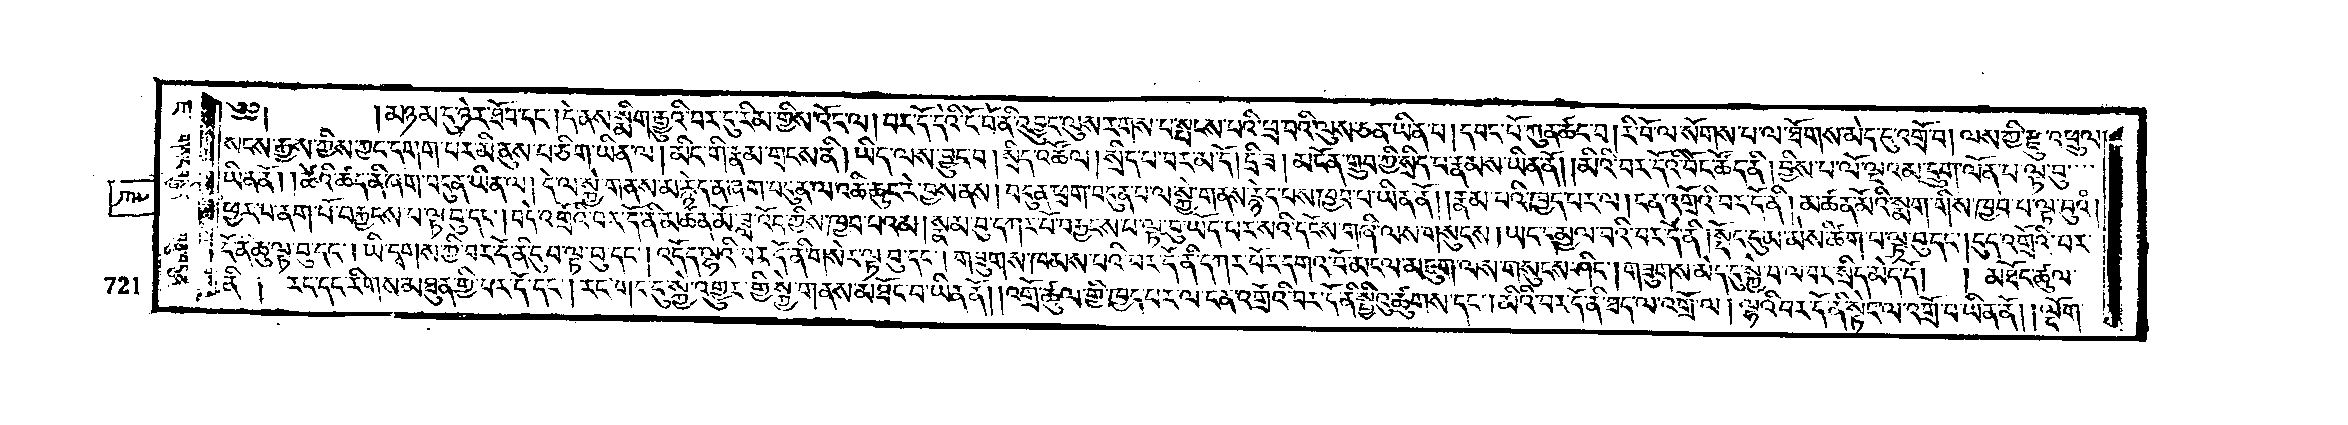༄༅། །མཉམ་དུ་ཉེར་ཐོབ་དང་། དེ་ནས་སྨིག་རྒྱུའི་བར་དུ་རིམ་གྱིས་འོང་ལ། བར་དོ་དེའི་ངོ་བོ་ནི་འབྱུང་ལུས་རགས་པ་སྤངས་པའི་ཕྲ་བའི་ལུས་ཅན་ཡིན་པ། དབང་པོ་ཀུན་ཚང་བ། རི་བོ་ལ་སོགས་པ་ལ་ཐོགས་མེད་དུ་འགྲོ་བ། ལས་ཀྱི་རྫུ་འཕྲུལ་
སངས་རྒྱས་ཀྱིས་ཀྱང་དགག་པར་མི་ནུས་པ་ཅིག་ཡིན་ལ། མིང་གི་རྣམ་གྲངས་ནི། ཡིད་ལས་བྱུང་བ། སྲིད་འཚོལ། སྲིད་པ་བར་མདོ། དྲི་ཟ། མངོན་གྲུབ་ཀྱི་སྲིད་པ་རྣམས་ཡིན་ནོ། །མིའི་བར་དོའི་བོང་ཚོད་ནི། བྱིས་པ་ལོ་ལྔའམ་དྲུག་ལོན་པ་ལྟ་བུ་
ཡིན་ནོ། །ཚེའི་ཚད་ནི་ཞག་བདུན་ཡིན་ལ། དེ་ལ་སྐྱེ་གནས་མ་རྙེད་ན་ཞག་བདུན་ལ་འཆི་ཆུང་རེ་བྱས་ནས། བདུན་ཕྲག་བདུན་པ་ལ་སྐྱེ་གནས་རྙེད་པས་ཁྱབ་པ་ཡིན་ནོ། །རྣམ་པའི་ཁྱད་པར་ལ། ངན་འགྲོའི་བར་དོ་ནི། མཚན་མོའི་སྨག་གིས་ཁྱབ་པ་ལྟ་བུའམ།
ཕྱར་པ་ནག་པོ་བརྐྱངས་པ་ལྟ་བུ་དང་། བདེ་འགྲོའི་བར་དོ་ནི་མཚན་མོ་ཟླ་འོད་ཀྱིས་ཁྱབ་པའམ། སྣམ་བུ་དཀར་པོ་བརྐྱངས་པ་ལྟ་བུ་ཡོད་པར་སའི་དངོས་གཞི་ལས་གསུངས། ཡང་དམྱལ་བའི་བར་དོ་ནི། སྡོང་དུམ་མེས་ཚིག་པ་ལྟ་བུ་དང་། དུད་འགྲོའི་བར་
དོ་ནི་ཆུ་ལྟ་བུ་དང་། ཡི་དྭགས་ཀྱི་བར་དོ་ནི་དུ་བལྟ་བུ་དང་། འདོད་ལྷའི་བར་དོ་ནི་གསེར་ལྟ་བུ་དང་། གཟུགས་ཁམས་པའི་བར་དོ་ནི་དཀར་པོར་དགའ་བོ་མངལ་མཇུག་ལས་གསུངས་ཤིང་། གཟུགས་མེད་དུ་སྐྱེ་བ་ལ་བར་སྲིད་མེད་དོ། །མཐོང་ཚུལ་
ནི། རང་དང་རིགས་མཐུན་གྱི་བར་དོ་དང་། རང་གང་དུ་སྐྱེ་འགྱུར་གྱི་སྐྱེ་གནས་མཐོང་བ་ཡིན་ནོ། །འགྲོ་ཚུལ་གྱི་ཁྱད་པར་ལ་ངན་འགྲོའི་བར་དོ་ནི་སྤྱིའུ་ཚུགས་དང་། མིའི་བར་དོ་ནི་ཐད་ལ་འགྲོ་ལ། ལྷའི་བར་དོ་ནི་སྟེང་ལ་འགྲོ་བ་ཡིན་ནོ། །ལྡོག་